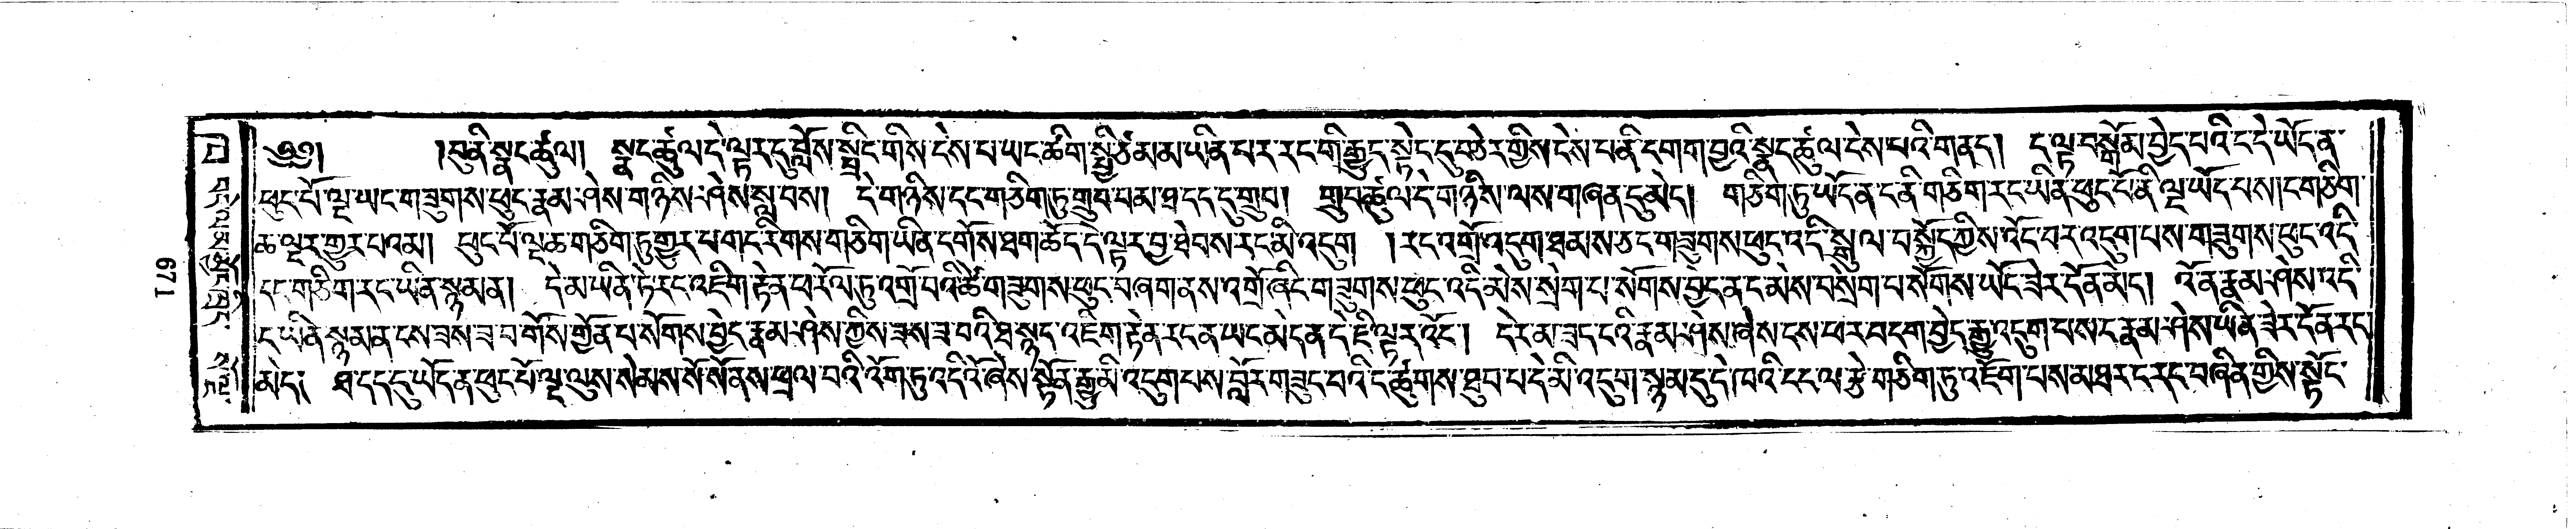༄༅། །བུ་ནི་སྣང་ཚུལ། སྣང་ཚུལ་དེ་ལྟར་དུ་བློས་སྦྲིང་གིས་ངེས་པ་ཡང་ཚིག་སྤྱི་ཙམ་མ་ཡིན་པར་རང་གི་རྒྱུད་སྟེང་དུ་བཅེར་གྱིས་ངེས་པ་ནི་དགག་བྱའི་སྣད་ཚུལ་ངེས་པའི་གནད། ད་ལྟ་བསྒོམ་བྱེད་པའི་ང་དེ་ཡོད་ན་
ཕུང་པོ་ལྔ་ཡང་གཟུགས་ཕུང་རྣམ་ཤེས་གཉིས་ཤེས་སླ་བས། དེ་གཉིས་དང་གཅིག་ཏུ་གྲུབ་བ་མ་ཐ་དད་དུ་གྲུབ། གྲུབ་ཚུལ་དེ་གཉིས་ལས་གཞན་དུ་མེད། གཅིག་ཏུ་ཡོད་ན་ད་ནི་གཅིག་རང་ཡིན་ཕུང་པོ་ནི་ལྔ་ཡོད་པས། ང་གཅིག་
ཆ་ལྔར་གྱུར་པའམ། ཕུང་པོ་ལྔ་ཆ་གཅིག་ཏུ་གྱུར་པ་གང་རིགས་གཅིག་ཡིན་དགོས་ཐག་ཆོད་དེ་ལྟར་བྱ་ཐེབས་རང་མི་འདུག །རང་འགྲོ་འདུག་ཐམས་ཅད་གཟུགས་ཕུང་འདི་སྒུལ་བསྐྱོད་ཀྱིས་འོང་བར་འདུག་པས་གཟུགས་ཕུང་འདི་
དང་གཅིག་རང་ཡིན་སྙམ་ན། དེ་མ་ཡིན་ཏེ་རང་འཇིག་རྟེན་ཕ་རོལ་ཏུ་འགྲོ་བའི་ཚེ་གཟུགས་ཕུང་བཞག་ནས་འགྲོ་ཞིང་གཟུགས་ཕུང་འདི་མེས་སྲེག་པ་སོགས་བྱེད་ན་ང་མེས་བསྲེག་བ་སོགས་ཡོང་ཟེར་དོན་མེད། འོ་ན་རྣམ་ཤེས་འདི་
ད་ཡིན་སྙམ་ན་ངས་ཟས་ཟག་གོས་གྱོན་པ་སོགས་བྱེད་རྣམ་ཤེས་ཀྱིས་ཟས་ཟ་བའི་ཐ་སྙད་འཇིག་རྟེན་རང་ན་ཡང་མེད་ན་དེ་ཇི་ལྟར་འོང་། དེར་མ་ཟད་དའི་རྣམ་ཤེས་ཞེས་ངས་ཕར་བདག་བྱེད་རྒྱུ་འདུག་པས་ད་རྣམ་ཤེས་ཡིན་ཟེར་དོན་རང་
མེད༑ ཐ་དད་དུ་ཡོད་ན་ཕུང་པོ་ལྔ་ལུས་སེམས་སོ་སོ་ནས་ཕྲལ་བའི་འོག་ཏུ་འདིའོ་ཞེས་སྟོན་རྒྱུ་མི་འདུག་པས་བློར་གཟུང་བའི་ང་ཚུགས་ཐུབ་པ་དེ་མི་འདུག་སྙམ་དུ་དེ་ཁའི་ངང་ལ་རྩེ་གཅིག་ཏུ་འཇོག་པས་མཐར་ང་རང་བཞིན་གྱིས་སྟོང་